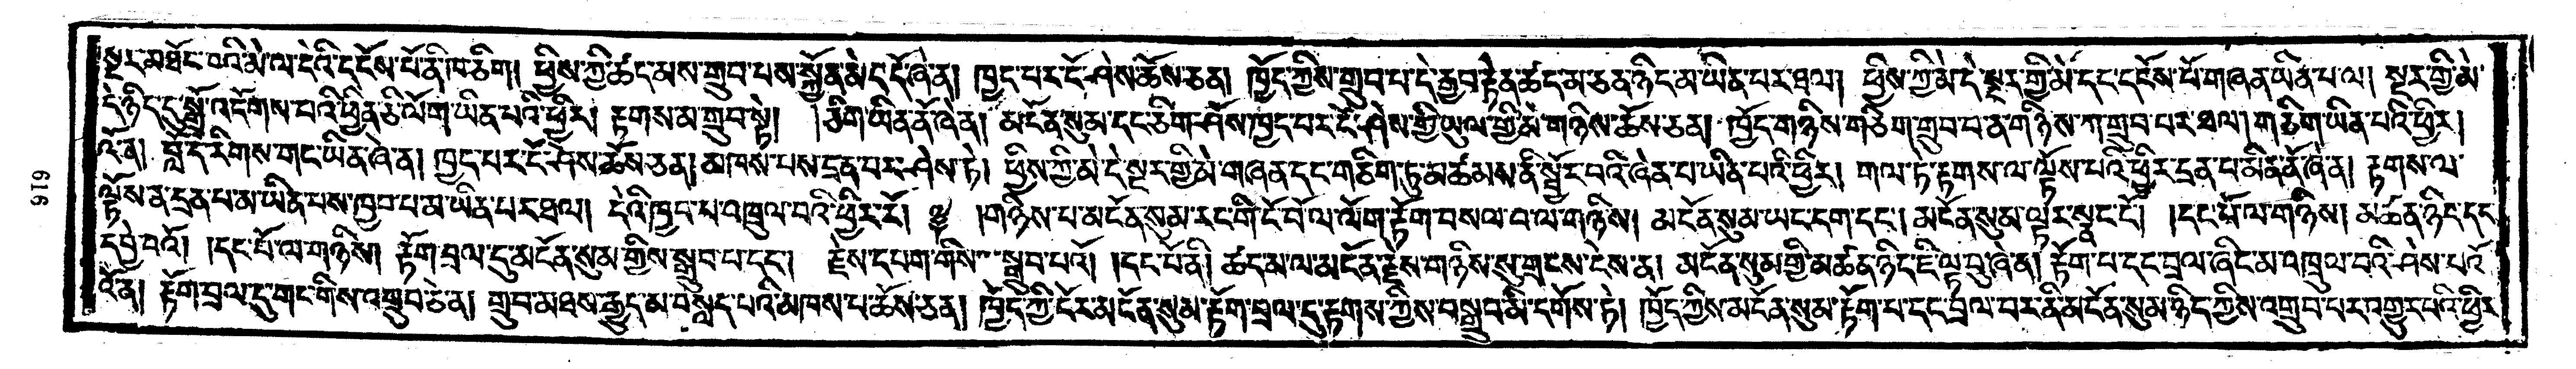སྔར་མཐོང་བའི་མེ་ལ་དེའི་དངོས་པོ་ནི་ཁ་ཅིག། ཕྱིས་ཀྱི་ཚད་མས་གྲུབ་པས་སྐྱོན་མེད་དོ་ཞེ་ན། ཁྱད་པར་ངོ་ཤེས་ཆོས་ཅན། ཁྱོད་ཀྱིས་གྲུབ་པ་དེ་རྒྱབ་རྟེན་ཚད་མ་ཅན་ཉིད་མ་ཡིན་པར་ཐལ། ཕྱིས་ཀྱི་མེ་དེ་སྔར་གྱི་མེ་དང་དངོས་པོ་གཞན་ཡིན་པ་ལ། སྔར་གྱི་མེ་
དེ་ཉིད་དུ་སྒྲོ་འདོགས་པའི་ཕྱིན་ཅི་ལོག་ཡིན་པའི་ཕྱིར། རྟགས་མ་གྲུབ་སྟེ། །ཅིག་ཡིན་ནོ་ཞེ་ན། མངོན་སུམ་དང་ཅིག་ཤོས་ཁྱད་པར་ངོ་ཤེས་ཀྱི་ཡུལ་གྱི་མེ་གཉིས་ཆོས་ཅན། ཁྱོད་གཉིས་གཅིག་གྲུབ་པ་ན་གཉིས་ཀ་གྲུབ་པར་ཐལ། གཅིག་ཡིན་པའི་ཕྱིར།
འོ་ན། བློ་དེ་རིགས་གང་ཡིན་ཞེ་ན། ཁྱད་པར་ངོ་ཤེས་ཆོས་ཅན། མཁས་པས་དྲན་པར་ཤེས་ཏེ། ཕྱིས་ཀྱི་མེ་དེ་སྔར་གྱི་མེ་གཞན་དང་གཅིག་ཏུ་མཚམས་ནི་སྦྱོར་བའི་ཞེན་པ་ཡིན་པའི་ཕྱིར། གལ་ཏེ་རྟགས་ལ་ལྟོས་པའི་ཕྱིར་དྲན་པ་མིན་ནོ་ཞེ་ན། རྟགས་ལ་
ལྟོས་ན་དྲན་པ་མ་ཡིན་པས་ཁྱབ་པ་མ་ཡིན་པར་ཐལ། དེའི་ཁྱབ་པ་འཁྲུལ་པའི་ཕྱིར་རོ། ༈ །གཉིས་པ་མངོན་སུམ་རང་གི་ངོ་བོ་ལ་ལོག་རྟོག་བསལ་བ་ལ་གཉིས། མངོན་སུམ་ཡང་དག་དང་། མངོན་སུམ་ལྟར་སྣང་ངོ། །དང་པོ་ལ་གཉིས། མཚན་ཉིད་དང་
དབྱེ་བའོ། །དང་པོ་ལ་གཉིས། རྟོག་བྲལ་དུ་མངོན་སུམ་གྱིས་སྒྲུབ་པ་དང་། རྗེས་དཔག་གིས་སྒྲུབ་པའོ། །དང་པོ་ནི། ཚད་མ་ལ་མངོན་རྗེས་གཉིས་སུ་གྲངས་ངེས་ན། མངོན་སུམ་གྱི་མཚན་ཉིད་ཇི་ལྟ་བུ་ཞེ་ན། རྟོག་པ་དང་བྲལ་ཞིང་མ་འཁྲུལ་བའི་ཤེས་པའོ་
འོ་ན། རྟོག་བྲལ་དུ་གང་གིས་འགྲུབ་ཅེ་ན། གྲུབ་མཐས་རྒྱུད་མ་བསླད་པའི་མཁས་པ་ཆོས་ཅན། ཁྱོད་ཀྱི་ངོར་མངོན་སུམ་རྟོག་བྲལ་དུ་རྟགས་ཀྱིས་བསྒྲུབ་མི་དགོས་ཏེ། ཁྱོད་ཀྱིས་མངོན་སུམ་རྟོག་པ་དང་བྲལ་བར་ནི་མངོན་སུམ་ཉིད་ཀྱིས་འགྲུབ་པར་འགྱུར་བའི་ཕྱིར་